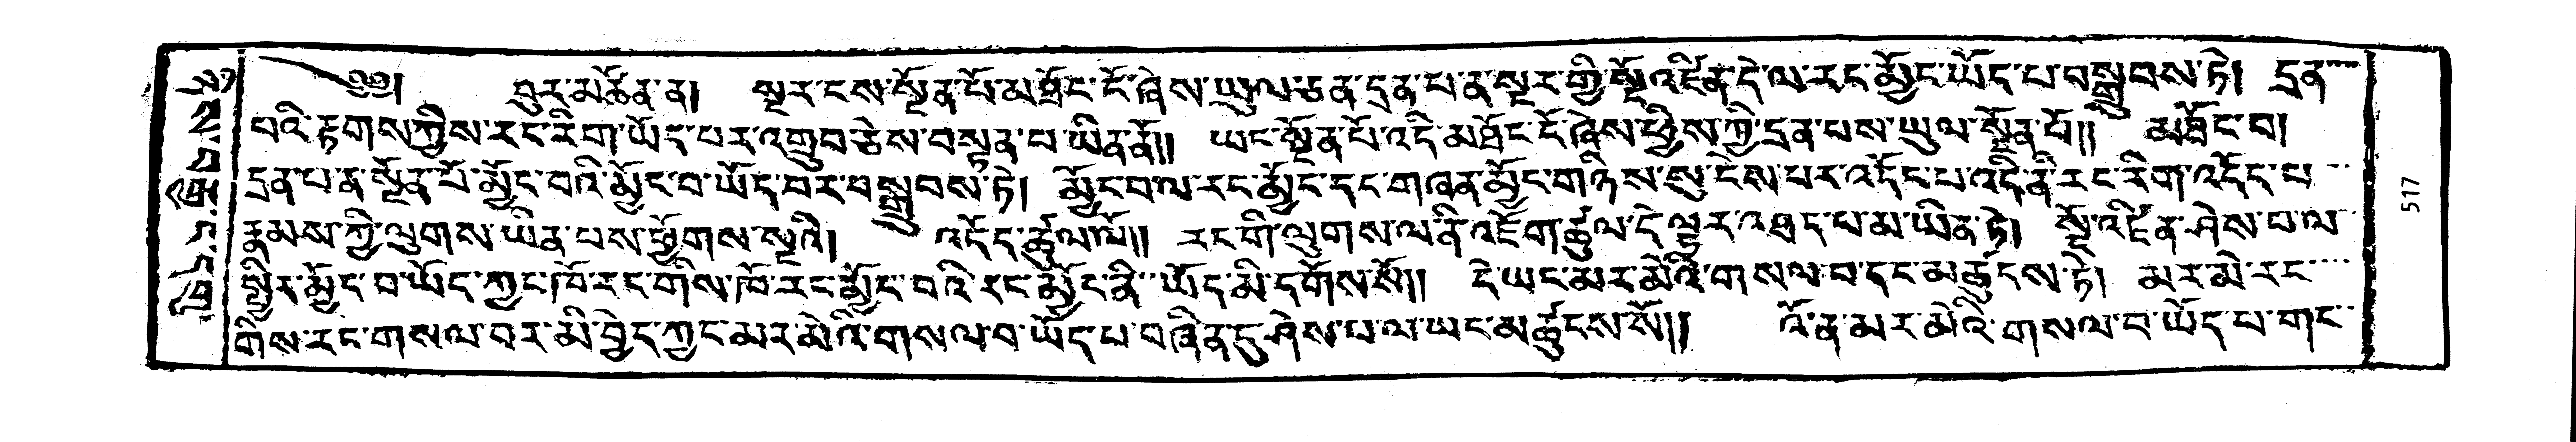༄༅། །བུར་མཚོན་ན། སྔར་ངས་སྔོན་པོ་མཐོང་ངོ་ཞེས་ཡུལ་ཅན་དྲན་པ་ན་སྔར་གྱི་སྔོ་འཛིན་དེ་ལ་རང་མྱོང་ཡོད་པ་བསྒྲུབས་ཏེ། དྲན་
པའི་རྟགས་ཀྱིས་རང་རིག་ཡོད་པར་འགྲུབ་ཅེས་བསྟན་པ་ཡིན་ནོ། །ཡང་སྔོན་པོ་འདི་མཐོང་ངོ་ཞེས་ཕྱིས་ཀྱི་དྲན་པས་ཡུལ་སྔོན་པོ། །མཐོང་བ།
དྲན་པ་ན་སྔོན་པོ་མྱོང་བའི་མྱོང་བ་ཡོད་པར་བསྒྲུབས་ཏེ། མྱོང་བ་ལ་རང་མྱོང་དང་གཞན་མྱོང་གཉིས་སུ་ངེས་པར་འདོད་པ་འདི་ནི་རང་རིག་འདོད་པ་
རྣམས་ཀྱི་ལུགས་ཡིན་པས་ཕྱོགས་སྔའི། འདོད་ཚུལ་ལོ། །རང་གི་ལུགས་ལ་ནི་འཇོག་ཚུལ་དེ་ལྟར་འཐད་པ་མ་ཡིན་ཏེ། སྔོ་འཛིན་ཤེས་པ་ལ་
སྤྱིར་མྱོང་བ་ཡོད་ཀྱང་ཁོ་རང་གིས་ཁོ་རང་མྱོང་བའི་རང་མྱོང་ནི་ཡོད་མི་དགོས་སོ། །དེ་ཡང་མར་མེའི་གསལ་བ་དང་མཚུངས་ཏེ། མར་མེ་རང་
གིས་རང་གསལ་བར་མི་བྱེད་ཀྱང་མར་མེའི་གསལ་བ་ཡོད་པ་བཞིན་དུ་ཤེས་པ་ལ་ཡང་མཚུངས་སོ། །འོ་ན་མར་མེའི་གསལ་བ་ཡོད་པ་གང་